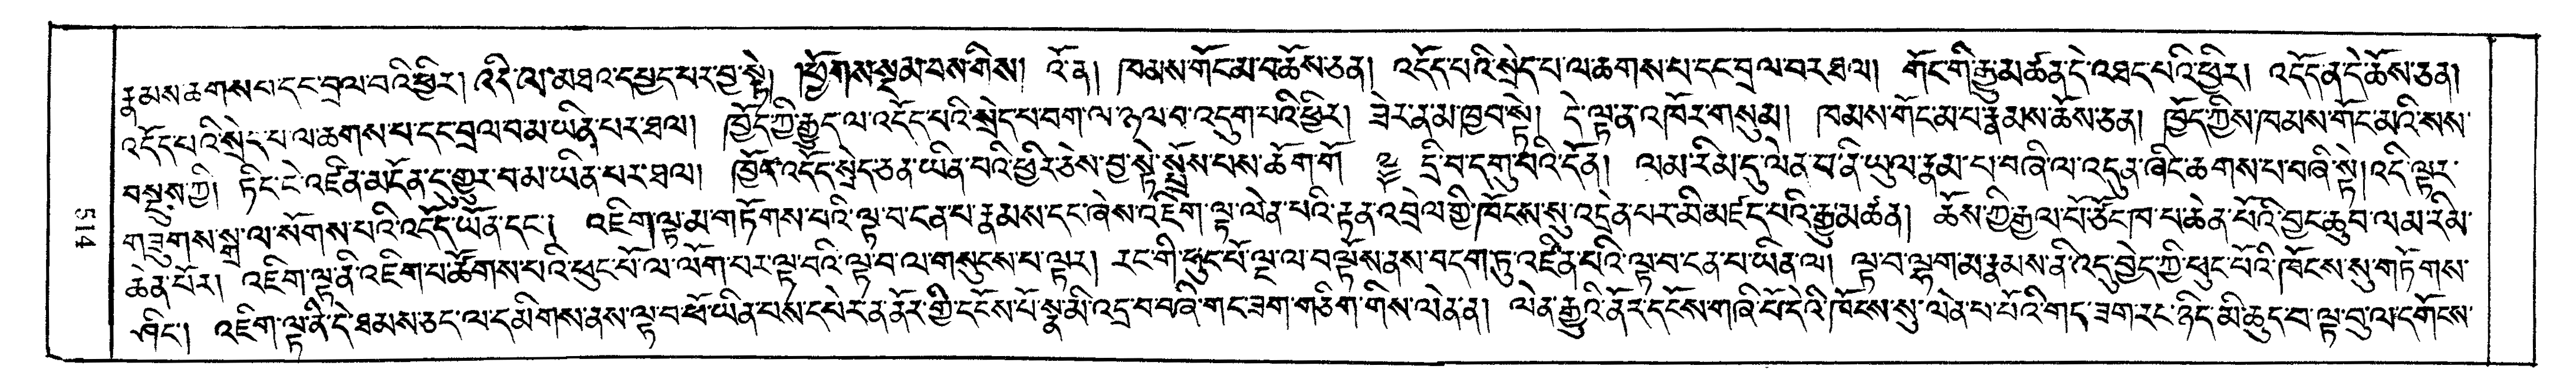རྣམས་ཆགས་པ་དང་བྲལ་བའི་ཕྱིར། འདི་ལ་མཐའ་དཔྱད་པར་བྱ་སྟེ། ཕྱོགས་སྔ་མ་དག་གིས། འོ་ན། ཁམས་གོང་མ་བ་ཆོས་ཅན། འདོད་པའི་སྲེད་པ་ལ་ཆགས་པ་དང་བྲལ་བར་ཐལ། གོང་གི་རྒྱུ་མཚན་དེ་འཐད་པའི་ཕྱིར། འདོད་ན་དེ་ཆོས་ཅན།
འདོད་པའི་སྲེད་པ་ལ་ཆགས་པ་དང་བྲལ་བ་མ་ཡིན་པར་ཐལ། ཁྱོད་ཀྱི་རྒྱུད་ལ་འདོད་པའི་སྲེད་པ་བག་ལ་ཉལ་བ་འདུག་པའི་ཕྱིར། ཟེར་ན་མ་ཁྱབ་སྟེ། དེ་ལྟ་ན་འཁོར་གསུམ། ཁམས་གོང་མ་བ་རྣམས་ཆོས་ཅན། ཁྱོད་ཀྱིས་ཁམས་གོང་མའི་སས་
བསྡུས་ཀྱི། ཏིང་ངེ་འཛིན་མངོན་དུ་གྱུར་པ་མ་ཡིན་པར་ཐལ། ཁྱོད་འདོད་སྲེད་ཅན་ཡིན་པའི་ཕྱིར་ཅེས་བྱ་སྟེ་སྦྲོས་པས་ཆོག་གོ །༈ དྲི་བ་དགུ་པའི་དོན། ལམ་རིམ་དུ་ལེན་པ་ནི་ཡུལ་རྣམ་པ་བཞི་ལ་འདུན་ཞིང་ཆགས་པ་བཞི་སྟེ། འདི་ལྟར་
གཟུགས་སྒྲ་ལ་སོགས་པའི་འདོད་ཡོན་དང་། འཇིག་ལྟ་མ་གཏོགས་པའི་ལྟ་བ་ངན་པ་རྣམས་དང་ཞེས་འཇིག་ལྟ་ལེན་པའི་རྟེན་འབྲེལ་གྱི་ཁོངས་སུ་འདྲེན་པར་མི་མཛད་པའི་རྒྱུ་མཚན། ཆོས་ཀྱི་རྒྱལ་པོ་ཙོང་ཁ་པ་ཆེན་པོའི་བྱང་ཆུབ་ལམ་རིམ་
ཆེན་མོར། འཇིག་ལྟ་ནི་འཇིག་པ་ཚོགས་པའི་ཕུང་པོ་ལ་ལོག་པར་ལྟ་བའི་ལྟ་བ་ལ་གསུངས་པ་ལྟར། རང་གི་ཕུང་པོ་ལྔ་ལ་བལྟོས་ནས་བདག་ཏུ་འཛིན་པའི་ལྟ་བ་ངན་པ་ཡིན་ལ། ལྟ་བ་ལྟག་མ་རྣམས་ནི་འདུ་བྱེད་ཀྱི་ཕུང་པོའི་ཁོངས་སུ་གཏོགས་
ཤིང༑ འཇིག་ལྟ་ནི་དེ་ཐམས་ཅད་ལ་དམིགས་ནས་ལྟ་བ་པོ་ཡིན་པས་དཔེར་ན་ནོར་གྱི་དངོས་པོ་སྣ་མི་འདྲ་བ་བཞི་གང་ཟག་གཅིག་གིས་ལེན་ན། ལེན་རྒྱུའི་ནོར་དངོས་གཞི་པོ་དེའི་ཁོངས་སུ་ལེན་པ་པོའི་གང་ཟག་རང་ཉིད་མི་ཆུད་པ་ལྟ་བུ་ལ་དགོངས་